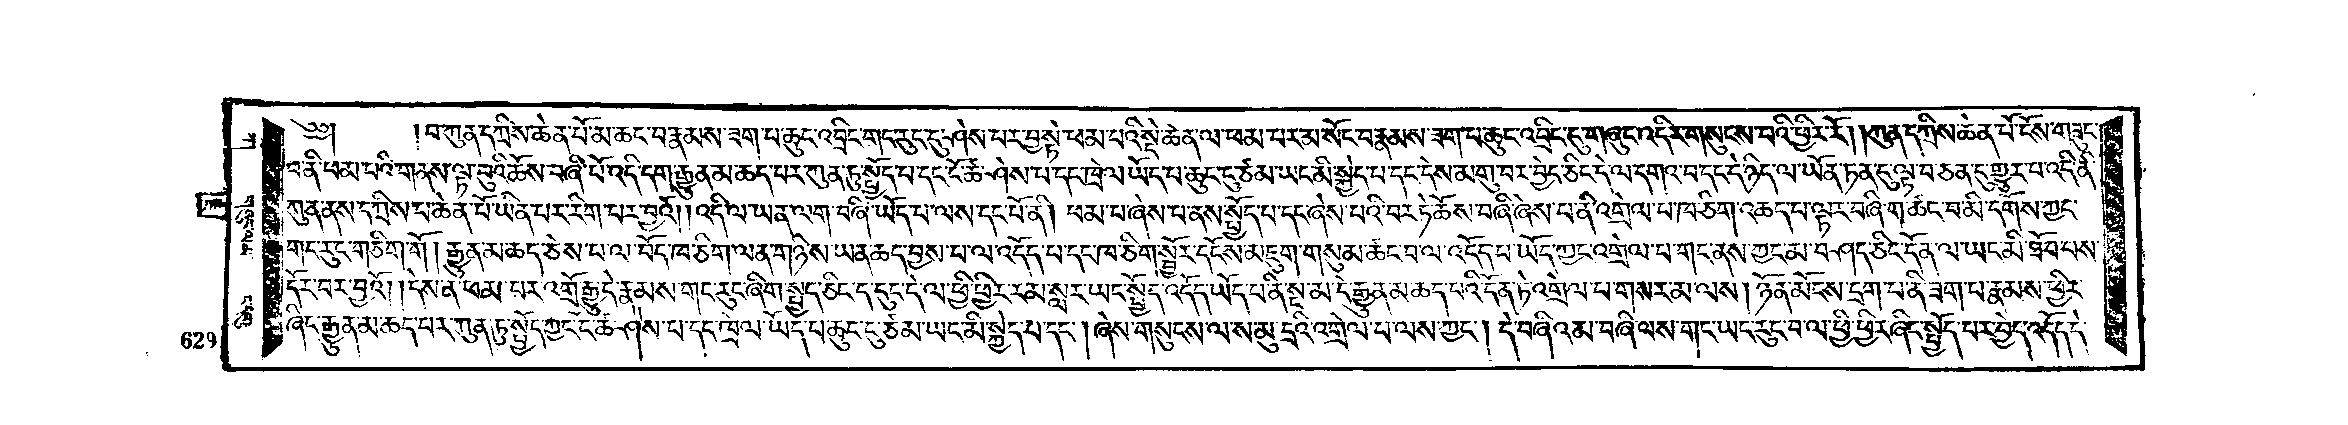༄༅། །བ་ཀུན་དཀྲིས་ཆེན་པོ་མ་ཆང་བ་རྣམས་ཟག་པ་ཆུང་འབྲིང་གང་རུང་དུ་ཤེས་པར་བྱ་སྟེ་ཕམ་པའི་སྡེ་ཆེན་ལ་ཕམ་པར་མ་སོང་བ་རྣམས་ཟག་པ་ཆུང་འབྲིང་དུ་གཞུང་འདིར་གསུངས་པའི་ཕྱིར་རོ། །ཀུན་དཀྲིས་ཆེན་པོ་ངོས་གཟུང་
བ་ནི་ཕམ་པའི་གནས་ལྟ་བུའི་ཆོས་བཞི་པོ་འདི་དག་རྒྱུན་མ་ཆད་པར་ཀུན་ཏུ་སྤྱོད་པ་དང་ངོ་ཚ་ཤེས་པ་དང་ཁྲེལ་ཡོད་པ་ཆུང་ངུ་ཙམ་ཡང་མི་སྐྱེད་པ་དང་དེས་མགུ་བར་བྱེད་ཅིང་དེ་ལ་དགའ་བ་དང་དེ་ཉིད་ལ་ཡོན་ཏན་དུ་ལྟ་བ་ཅན་དུ་གྱུར་པ་འདི་ནི་
ཀུན་ནས་དཀྲིས་པ་ཆེན་པོ་ཡིན་པར་རིག་པར་བྱའོ། །འདི་ལ་ཡན་ལག་བཞི་ཡོད་པ་ལས་དང་པོ་ནི། ཕམ་པ་ཞེས་པ་ནས་སྤྱོད་པ་དང་ཞེས་པའི་བར་ཏེ་ཆོས་བཞི་ཞེས་པ་ནི་འགྲེལ་པ་ཁ་ཅིག་འཆད་པ་ལྟར་བཞི་ག་ཚང་བ་མི་དགོས་ཀྱང་
གང་རུང་གཅིག་གོ། རྒྱུན་མ་ཆད་ཅེས་པ་ལ་བོད་ཁ་ཅིག་ལན་གཉིས་ཡན་ཆད་བྱས་པ་ལ་འདོད་པ་དང་ཁ་ཅིག་སྦྱོར་དངོས་མཇུག་གསུམ་ཚང་བ་ལ་འདོད་པ་ཡོད་ཀྱང་འགྲེལ་པ་གང་ནས་ཀྱང་མ་བཤད་ཅིང་དོན་ལ་ཡང་མི་ཐོབ་པས་
དོར་བར་བྱའོ། །དེས་ན་ཕམ་པར་འགྲོ་རྒྱུ་དེ་རྣམས་གང་རུང་ཞིག་སྤྱད་ཅིང་ད་དུང་དེ་ལ་ཕྱི་ཕྱིར་རམ་སླར་ཡང་སྤྱོད་འདོད་ཡོད་པ་ནི་སྔ་མ་དེ་རྒྱུན་མ་ཆད་པའི་དོན་ཏེ་འགྲེལ་པ་གསར་མ་ལས། ཉོན་མོངས་དྲག་པ་ནི་ཟག་པ་རྣམས་ཕྱིར་
ཞིང་རྒྱུན་མ་ཆད་པར་ཀུན་ཏུ་སྤྱོད་ཀྱང་ངོ་ཚ་ཤེས་པ་དང་ཁྲེལ་ཡོད་པ་ཆུང་ངུ་ཙམ་ཡང་མི་སྐྱེད་པ་དང་། ཞེས་གསུངས་ལ་ས་མུ་དྲའི་འགྲེལ་པ་ལས་ཀྱང་། དེ་བཞིའམ་བཞི་ལས་གང་ཡང་རུང་བ་ལ་ཕྱི་ཕྱིར་ཞིང་སྤྱོད་པར་བྱེད་འདོད་དེ་